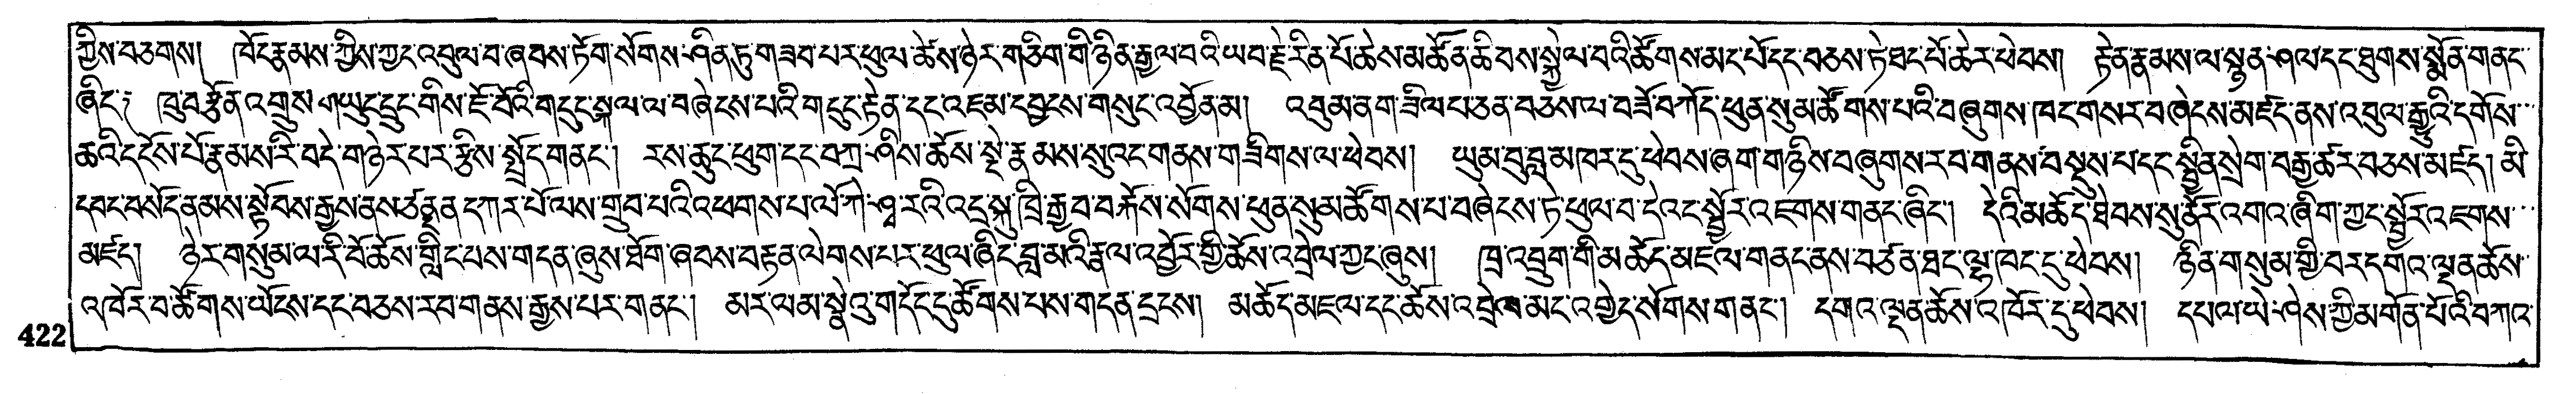ཀྱིས་བཅགས། ཁོང་རྣམས་ཀྱིས་ཀྱང་འབུལ་བ་ཞབས་ཏོག་སོགས་ཤིན་ཏུ་གཟབ་བར་ཕུལ་ཚེས་ཉེར་གཅིག་གི་ཉིན་རྒྱལ་བའི་ཡབ་རྗེ་རིན་པོ་ཆེས་མཚོན་ཆིབས་སྐྱེལ་བའི་ཚོགས་མང་པོ་དང་བཅས་ཏེ་ཐང་པོ་ཆེར་ཕེབས། རྟེན་རྣམས་ལ་སྙན་ཤལ་དང་ཐུགས་སྨོན་གནང་
ཞིང༑ ཁུ་བརྩོན་འགྲུས་གཡུང་དྲུང་གིས་ཇོ་བོའི་གདུང་སྐལ་ལ་བཞེངས་པའི་གདུང་རྟེན་དང་འཇམ་དབྱངས་གསུང་འབྱོན་མ། འབུམ་ན་གཟིལ་པ་ཅན་བཅས་ལ་བཟོ་བཀོད་ཕུན་སུམ་ཚོགས་པའི་བཞུགས་ཁང་གསར་བཞེངས་མཛད་ནས་འབུལ་རྒྱུའི་དགོས་
ཆའི་དངོས་པོ་རྣམས་རི་བདེ་གཉེར་བར་རྩིས་སྦྲོད་གནང་། རས་ཆུང་ཕུག་དང་བཀྲ་ཤིས་ཆོས་སྡེ་རྣམས་སུའང་གནས་གཟིགས་ལ་ཕེབས། ཡུམ་བུ་བླ་མཁར་དུ་ཕེབས་ཞག་གཉིས་བཞུགས་རབ་གནས་བསྡུས་པ་དང་སྦྱིན་སྲེག་བརྒྱ་ཚར་བཅས་མཛད། མི་
དབང་བསོད་ནམས་སྟོབས་རྒྱས་ནས་ཙནྡན་དཀར་པོ་ལས་གྲུབ་པའི་འཕགས་པ་ལོ་ཀེ་ཤྭ་རའི་འདྲ་སྐུ་ཁྲི་རྒྱབ་བརྐོས་སོགས་ཕུན་སུམ་ཚོགས་པ་བཞེངས་ཏེ་ཕུལ་བ་དེའང་སྦྱོར་འཇགས་གནང་ཞིང་། དེའི་མཆོད་ཐེབས་སུ་ནོར་འགའ་ཞིག་ཀྱང་སྦྱོར་འཇགས་
མཛད། ཉེར་གསུམ་ལ་རི་བོ་ཆོས་གླིད་པས་གདན་ཞུས་ཐོག་ཞབས་བརྟན་ལེགས་པར་ཕུལ་ཞིང་བླ་མའི་རྣལ་འབྱོར་གྱི་ཆོས་འབྲེལ་ཀྱང་ཞུས། ཁྲེ་འབྲུག་གི་མཆོད་མཇལ་གནང་ནས་བཙན་ཐང་ལྷ་ཁང་དུ་ཕེབས། ཉིན་གསུམ་གྱི་བར་དགའ་ལྡན་ཆོས་
འཁོར་བ་ཚོགས་ཡོངས་དང་བཅས་རབ་གནས་རྒྱས་པར་གནང་། མར་ལམ་སྣེའུ་གདོང་དུ་ཚོགས་པས་གདན་དྲངས། མཆོད་མཇལ་དང་ཆོས་འབྲེལ་མང་འགྱེད་སོགས་གནང་། དགའ་ལྡན་ཆོས་འཁོར་དུ་ཕེབས། དཔལ་ཡེ་ཤེས་ཀྱི་མགོན་པོའི་བཀའ་